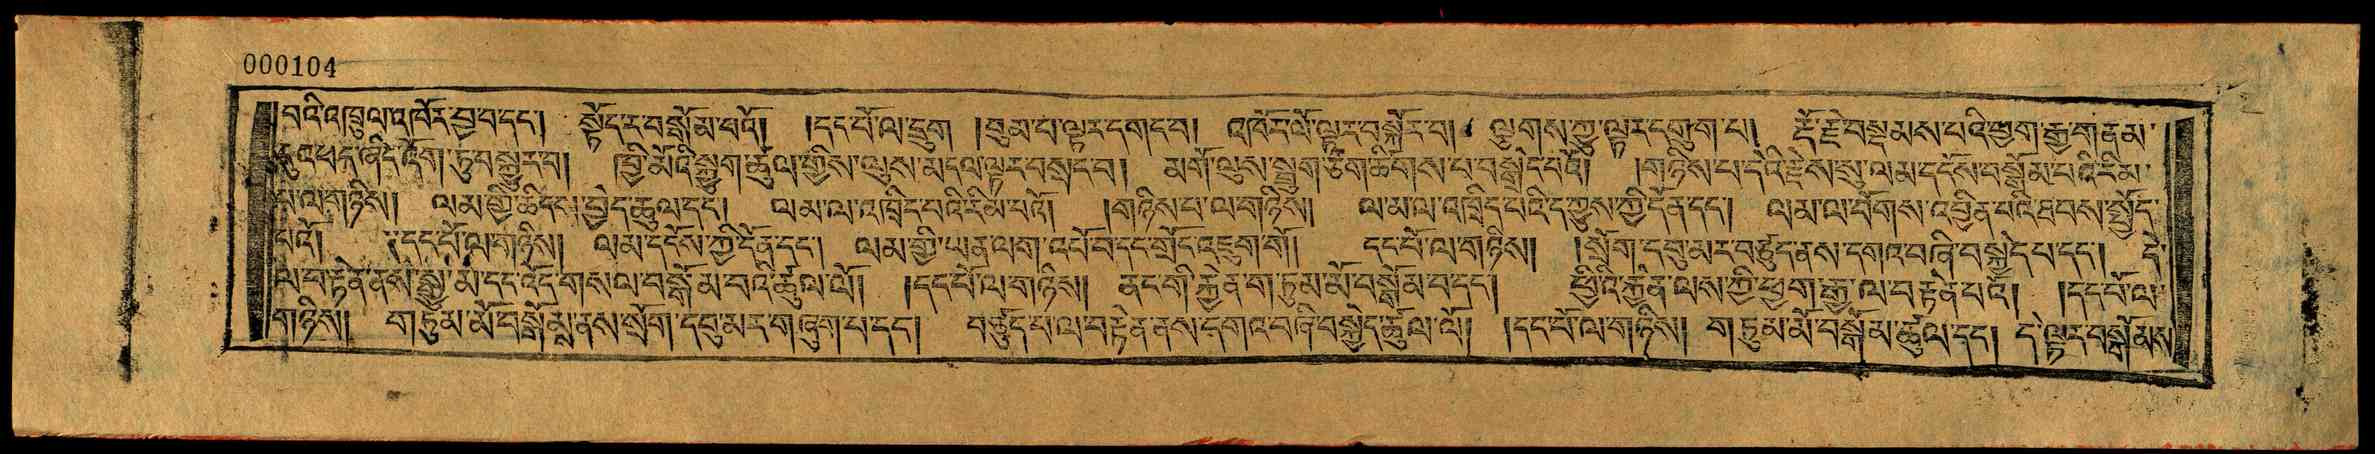བའི་འཁྲུལ་འཁོར་བྱ་བ་དང་། སྟོང་ར་བསྒོམ་པའོ། །དང་པོ་ལ་དྲུག །བུམ་པ་ལྟར་དགང་བ། འཁོར་ལོ་ལྟར་བསྐོར་བ། ལྕགས་ཀྱུ་ལྟར་དགུག་པ། རྡོ་རྗེ་བསྡམས་བའི་ཕྱག་རྒྱ་གནམ་
དུ་འཕང་ཞིང་འོག་ཏུ་བསྐྱུར་བ། ཁྱི་མོའི་སྐྱུག་ཚུལ་གྱིས་ལུས་མདའ་ལྟར་བསྲང་བ། མགོ་ལུས་སྤྲུག་ཅིག་ཚིགས་པ་བསྒྲེང་པའོ། །གཉིས་པ་དེའི་རྗེས་སུ་ལམ་དངོས་བསྒོམ་པའི་རིམ་
པ་ལ་གཉིས། ལམ་གྱི་ཆིངས་བྱེད་ཚུལ་དང་། ལམ་ལ་འཁྲིད་པའི་རིམ་པའོ། །གཉིས་པ་ལ་གཉིས། ལམ་ལ་འཁྲིད་པའི་དཀྱུས་ཀྱི་དོན་དང་། ལམ་ལ་བོགས་འབྱིན་པའི་ཐབས་སྤྱོད་
པའོ༑ ༑དང་པོ་ལ་གཉིས། ལམ་དངོས་ཀྱི་དོན་དང་། ལམ་གྱི་ཡན་ལག་འཕོ་བ་དང་གྲོང་འཇུག་གོ། དང་པོ་ལ་གཉིས། སྲོག་དབུ་མར་བཙུད་ནས་དགའ་བཞི་བསྐྱེད་པ་དང་། དེ་
ལ་བརྟེན་ནས་སྒྱུ་མ་དང་འོད་གསལ་བསྒོམ་པའི་ཚུལ་ལོ། །དང་པོ་ལ་གཉིས། ནང་གི་རྐྱེན་གཏུམ་མོ་བསྒོམ་པ་དང་། ཕྱིའི་རྐྱེན་ལམ་ཀྱི་ཕྱག་རྒྱ་ལ་བརྟེན་པའོ། །དང་པོ་ལ་
གཉིས། གཏུམ་མོ་བསྒོམ་ནས་སྲོག་དབུ་མར་གཞུག་པ་དང་། བཙུད་པ་ལ་བརྟེན་ནས་དགའ་བཞི་བསྐྱེད་ཚུལ་ལོ། །དང་པོ་ལ་གཉིས། གཏུམ་མོ་བསྒོམ་ཚུལ་དང་། དེ་ལྟར་བསྒོམས་